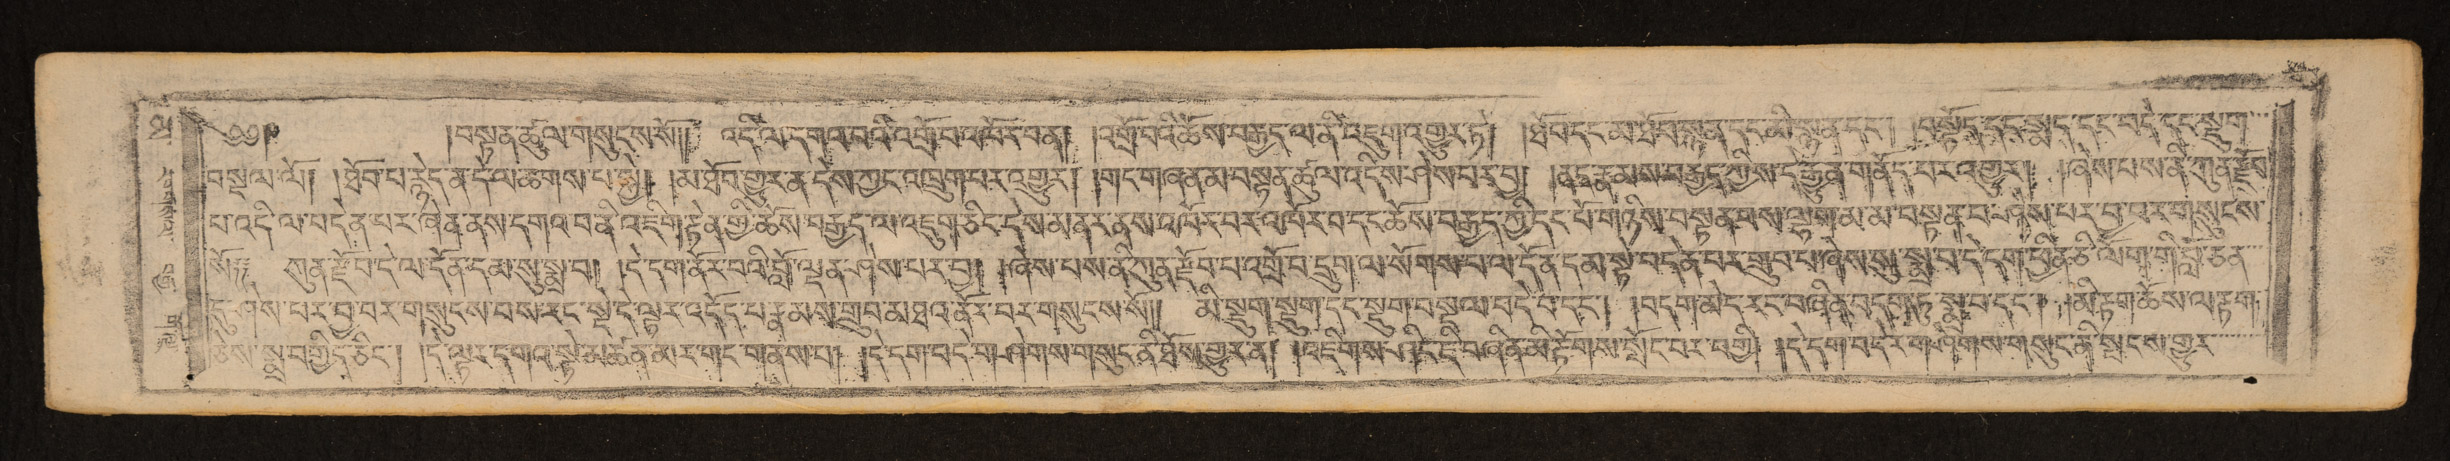༄༅། །བསྟན་ཚུལ་གསུངས་སོ།། འདི་ལ་དགའ་བའི་འགྲོ་བ་འཁོར་བ་ན། །འགྲོ་བའི་ཆོས་བརྒྱད་ལ་ནི་འཇུག་འགྱུར་ཏེ། །ཐོབ་དང་མ་ཐོབ་སྙན་དང་མི་སྙན་དང་། །བསྟོད་དང་སྨད་དང་བདེ་དང་སྡུག་
བསྔལ་ལོ། །ཐོབ་པ་རྙེད་ན་དེ་ལ་ཆགས་པ་སྐྱེ། །མ་ཐོབ་གྱུར་ན་དེས་ཀྱང་འཁྲུག་པར་འགྱུར། །གང་གཞན་མ་བསྟན་ཚུལ་འདིས་ཤེས་པར་བྱ། །ནད་རྣམས་བརྒྱད་ཀྱིས་དེ་རྒྱུན་གནོད་པར་གྱུར། །ཞེས་པས་ནི་ཀུན་རྫོབ་
པ་འདི་ལ་བདེན་པར་ཞེན་ནས་དགའ་བ་ནི་འཇིག་རྟེན་གྱི་ཆོས་བརྒྱད་ལ་འཇུག་ཅིང་དེས་མནར་ནས་འཁོར་བར་འཁོར་བ་དང་ཆོས་བརྒྱད་ཀྱི་དང་པོ་གཉིས་བསྟན་པས་ལྷག་མ་མ་བསྟན་པ་ཤེས་པར་བྱ་བར་གསུངས་
སོ༑༑ ཀུན་རྫོབ་དེ་ལ་དོན་དམ་སུ་སྨྲ་བ། །དེ་དག་ནོར་བའི་བློ་ལྡན་ཤེས་པར་བྱ། །ཞེས་པས་ནི་ཀུན་རྫོབ་པ་འགྲོ་བ་དྲུག་ལ་སོགས་པ་ལ་དོན་དམ་སྟེ་བདེན་པར་གྲུབ་པ་ཞེས་སུ་སྨྲ་བ་དེ་དག་ཕྱིན་ཅི་ལོག་གི་བློ་ཅན་
དུ་ཤེས་པར་བྱ་བར་གསུངས་པས་རང་སྡེ་དེ་ལྟར་འདོད་པ་རྣམས་གྲུབ་མཐའ་ནོར་བར་གསུངས་སོ།། མི་སྡུག་སྡུག་དང་སྡུག་བསྔལ་བདེ་བ་དང་། །བདག་མེད་རང་བཞིན་བདག་ཏུ་སྨྲ་བ་དང་། །མི་རྟག་ཆོས་ལ་རྟག་
ཅེས་སྨྲ་བགྱིད་ཅིང་། །དེ་ལྟར་དགའ་སྟེ་མཚན་མར་གང་གནས་པ། །དེ་དག་བདེ་གཤེགས་གསུང་ནི་ཐོས་གྱུར་ན། །འཇིགས་ཤིང་ཇི་བཞིན་མི་རྟོགས་སྤོང་བར་བགྱི། །དེ་དག་བདེར་གཤེགས་གསུང་ནི་སྤངས་གྱུར་